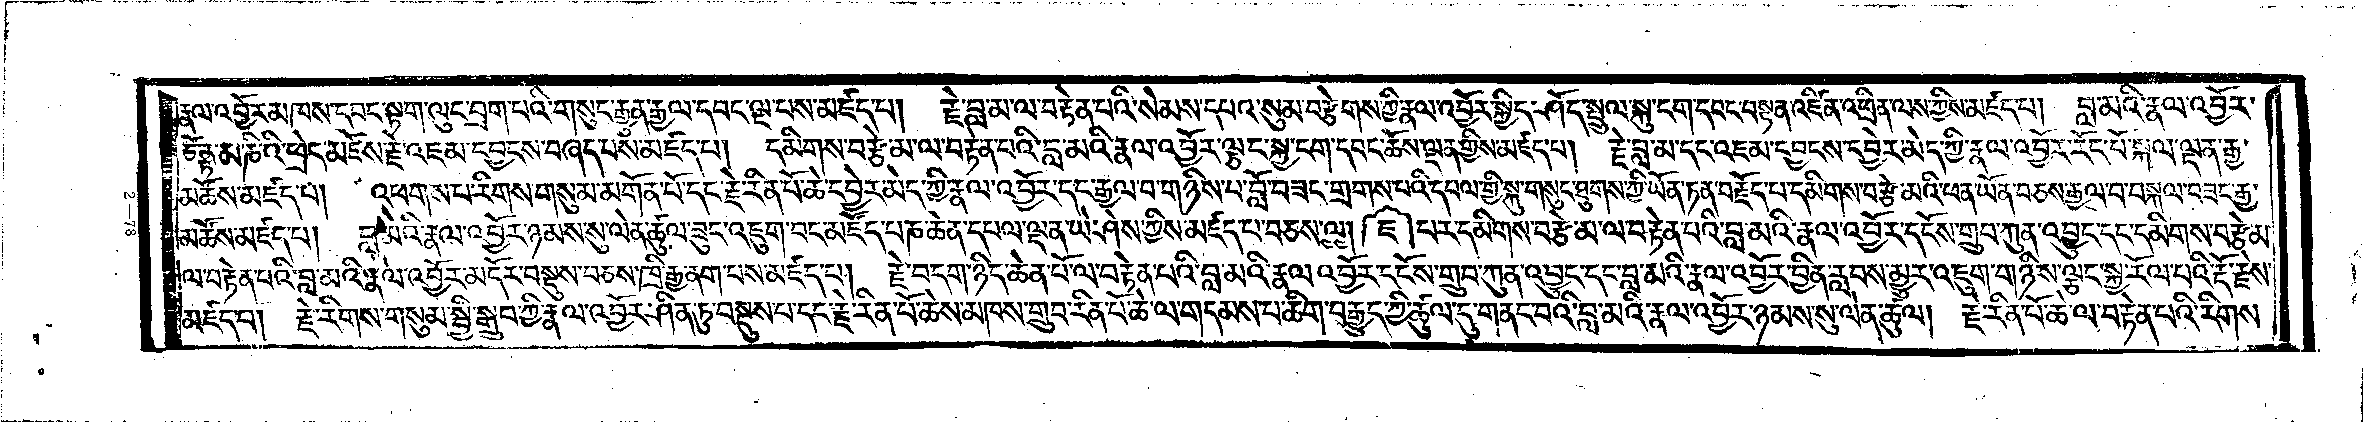རྣལ་འབྱོར་མཁས་དབང་སྟག་ལུང་བྲག་པའི་གསུང་རྒྱུན་རྒྱལ་དབང་ལྔ་པས་མཛད་པ། རྗེ་བླ་མ་ལ་བརྟེན་པའི་སེམས་དཔའ་སུམ་བརྩེགས་ཀྱི་རྣལ་འབྱོར་སྐྱིད་ཤོད་སྤྲུལ་སྐུ་ངག་དབང་བསྟན་འཛིན་འཕྲིན་ལས་ཀྱིས་མཛད་པ། བླ་མའི་རྣལ་འབྱོར་
ཙོནྟ་མ་ཎིའི་ཕྲེད་མཇོས་རྗེ་འཇམ་དབྱངས་བཞད་པས་མཛད་པ། དམིགས་བརྩེ་མ་ལ་བརྟེན་པའི་བླ་མའི་རྣལ་འབྱོར་ལྕང་སྐྱ་ངག་དབང་ཆོས་ལྡན་གྱིས་མཛད་པ། རྗེ་བླ་མ་དང་འཇམ་དབྱངས་དབྱེར་མེད་ཀྱི་རྣལ་འབྱོར་རོང་པོ་སྐལ་ལྡན་རྒྱ་
མཚོས་མཛད་པ། འཕགས་པ་རིགས་གསུམ་མགོན་པོ་དང་རྗེ་རིན་པོ་ཆེ་དབྱེར་མེད་ཀྱི་རྣལ་འབྱོར་དང་རྒྱལ་བ་གཉིས་པ་བློ་བཟང་གྲགས་པའི་དཔལ་གྱི་སྐུ་གསུང་ཐུགས་ཀྱི་ཡོན་ཏན་བརྗོད་པ་དམིགས་བརྩེ་མའི་ཕན་ཡོན་བཅས་རྒྱལ་བ་བསྐལ་བཟང་རྒྱ་
མཚོས་མཛད་པ། བླ་མེའི་རྣལ་འབྱོར་ཉམས་སུ་ལེན་ཚུལ་ཟུང་འཇུག་བང་མཛོད་པཎ་ཆེན་དཔལ་ལྡན་ཡེ་ཤེས་ཀྱིས་མཛད་པ་བཅས་ལ། ༼ཇ༽ པར་དམིགས་བརྩེ་མ་ལ་བརྟེན་པའི་བླ་མའི་རྣལ་འབྱོར་དངོས་གྲུབ་ཀུན་འབྱུང་དང་དམིགས་བརྩེ་མ་
ལ་བརྟེན་པའི་བླ་མའི་རྣལ་འབྱོར་མདོར་བསྡུས་བཅས་ཁྲི་རྒྱ་ནག་པས་མཛད་པ། རྗེ་བདག་ཉིད་ཆེན་པོ་ལ་བརྟེན་པའི་བླ་མའི་རྣལ་འབྱོར་དངོས་གྲུབ་ཀུན་འབྱུང་དང་བླ་མའི་རྣལ་འབྱོར་བྱིན་རླབས་མྱུར་འཇུག་གཉིས་ལྕང་སྐྱ་རོལ་པའི་རྡོ་རྗེས་
མཛད་པ། རྗེ་རིགས་གསུམ་སྦྱི་སྒྲུབ་ཀྱི་རྣལ་འབྱོར་ཤིན་ཏུ་བསྡུས་པ་དང་རྗེ་རིན་པོ་ཆེས་མཁས་གྲུབ་རིན་པོ་ཆེ་ལ་གདམས་པ་ཆིག་བརྒྱུད་ཀྱི་ཚུལ་དུ་གནང་བའི་བླ་མའི་རྣལ་འབྱོར་ཉམས་སུ་ལེན་ཚུལ། རྗེ་རིན་པོ་ཆེ་ལ་བརྟེན་པའི་རིགས་